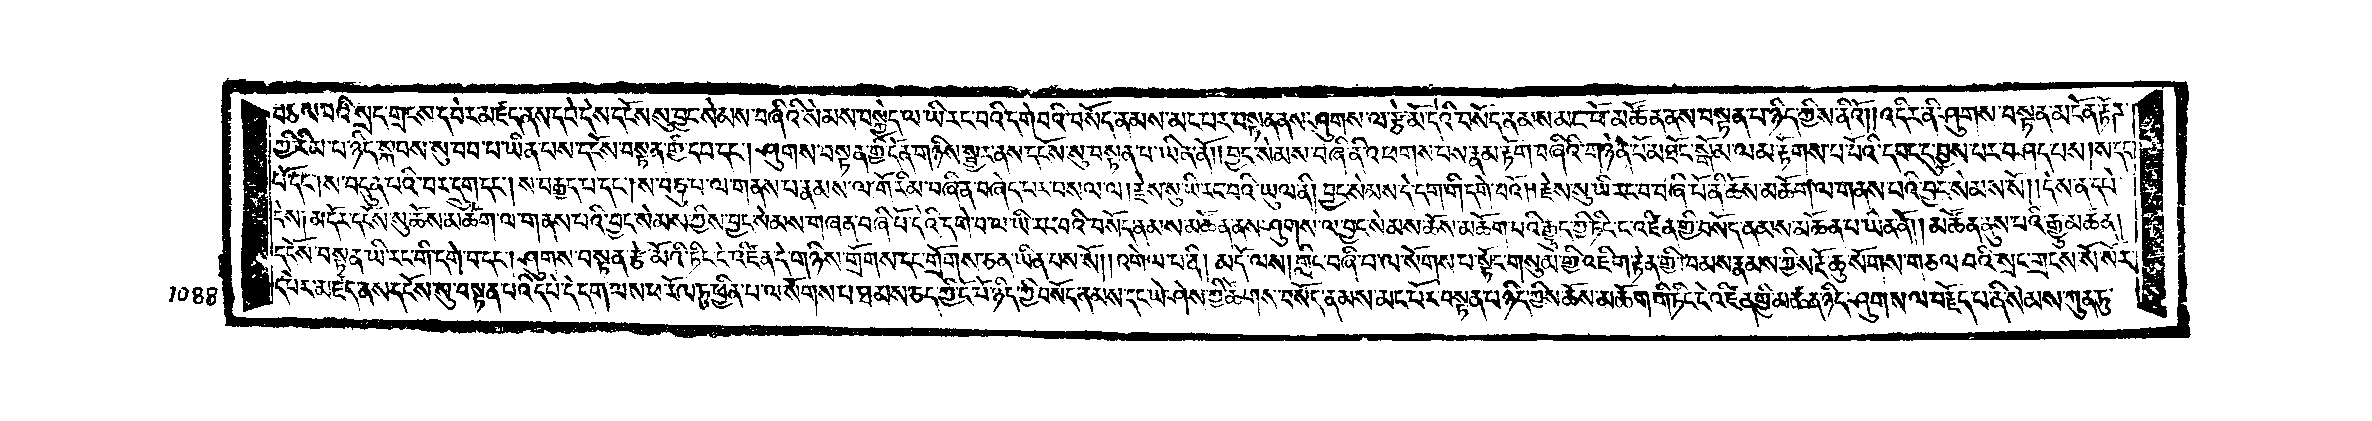བཙལ་བའི་སྲང་གྲངས་དཔེར་མཛད་ནས་དཔེ་དེས་དངོས་སུ་བྱང་སེམས་བཞིའི་སེམས་བསྐྱེད་ལ་ཡི་རང་བའི་དགེ་བའི་བསོད་ནམས་མང་བར་བསྟན་ནས་ཤུགས་ལ་རྩེ་མོ་དེའི་བསོད་ནམས་མང་པོ་མཚོན་ནས་བསྟན་པ་ཉིད་ཀྱིས་ནིའོ། །འདིར་ནི་ཤུགས་བསྟན་མངོན་རྟོགས་
ཀྱི་རིམ་པ་ཉིད་སྐབས་སུ་བབ་པ་ཡིན་པས་དངོས་བསྟན་གྱི་དཔེ་དང་། ཤུགས་བསྟན་གྱི་དོན་གཉིས་སྦྱར་ནས་དངོས་སུ་བསྟན་པ་ཡིན་ནོ། །བྱང་སེམས་བཞི་ནི་འཕགས་པས་རྣམ་རྟོག་བཞིའི་གཉེན་པོ་མཐོང་སྒོམ་ལམ་རྟོགས་པ་པོའི་དབང་དུ་བྱས་པར་བཤད་པས། ས་དང་
པོ་དང་། ས་བདུན་པའི་བར་དྲུག་དང་། ས་བརྒྱད་པ་དང་། ས་བཅུ་པ་ལ་གནས་པ་རྣམས་ལ་གོ་རིམ་བཞིན་བཞེད་པར་བསལ་ལ། རྗེས་སུ་ཡི་རང་བའི་ཡུལ་ནི། བྱང་སེམས་དེ་དག་གི་དགེ་བའོ། །རྗེས་སུ་ཡི་རང་བ་བཞི་པོ་ནི་ཆོས་མཆོག་ལ་གནས་པའི་བྱང་སེམས་སོ། །དེས་ན་དཔེ་
དེས༑ མདོར་དངོས་སུ་ཆོས་མཆོག་ལ་གནས་པའི་བྱང་སེམས་ཀྱིས་བྱང་སེམས་གཞན་བཞི་པོ་དེའི་དགེ་བ་ལ་ཡི་རང་བའི་བསོད་ནམས་མཚོན་ནས་ཤུགས་ལ་བྱང་སེམས་ཆོས་མཆོག་པའི་རྒྱུད་ཀྱི་ཏིང་ངེ་འཛིན་གྱི་བསོད་ནམས་མཚོན་པ་ཡིན་ནོ། །མཚོན་ནུས་པའི་རྒྱུ་མཚན།
དངོས་བསྟན་ཡི་རང་གི་དགེ་བ་དང་། ཤུགས་བསྟན་རྩེ་མོའི་ཏིང་ངེ་འཛིན་དེ་གཉིས་གྲོགས་དང་གྲོགས་ཅན་ཡིན་པས་སོ། །འགྲེལ་པ་ནི། མདོ་ལས། གླིང་བཞི་པ་ལ་སོགས་པ་སྟོང་གསུམ་གྱི་འཇིག་རྟེན་གྱི་ཁམས་རྣམས་ཀྱིས་རྡོ་ཆུ་སོགས་གཅལ་བའི་སྲང་གྲངས་སོ་སོར་
དཔེར་མཛད་ནས་དངོས་སུ་བསྟན་པའི་དཔེ་དེ་དག་ལས་ཕ་རོལ་ཏུ་ཕྱིན་པ་ལ་སོགས་པ་ཐམས་ཅད་ཀྱི་ངོ་བོ་ཉིད་ཀྱི་བསོད་ནམས་དང་ཡེ་ཤེས་ཀྱི་ཚོགས་བསོད་ནམས་མང་པོར་བསྟན་པ་ཉིད་ཀྱིས་ཆོས་མཆོག་གི་ཏིང་ངེ་འཛིན་གྱི་མཚན་ཉིད་ཤུགས་ལ་བརྗོད་པ་ནི་སེམས་ཀུན་ཏུ་